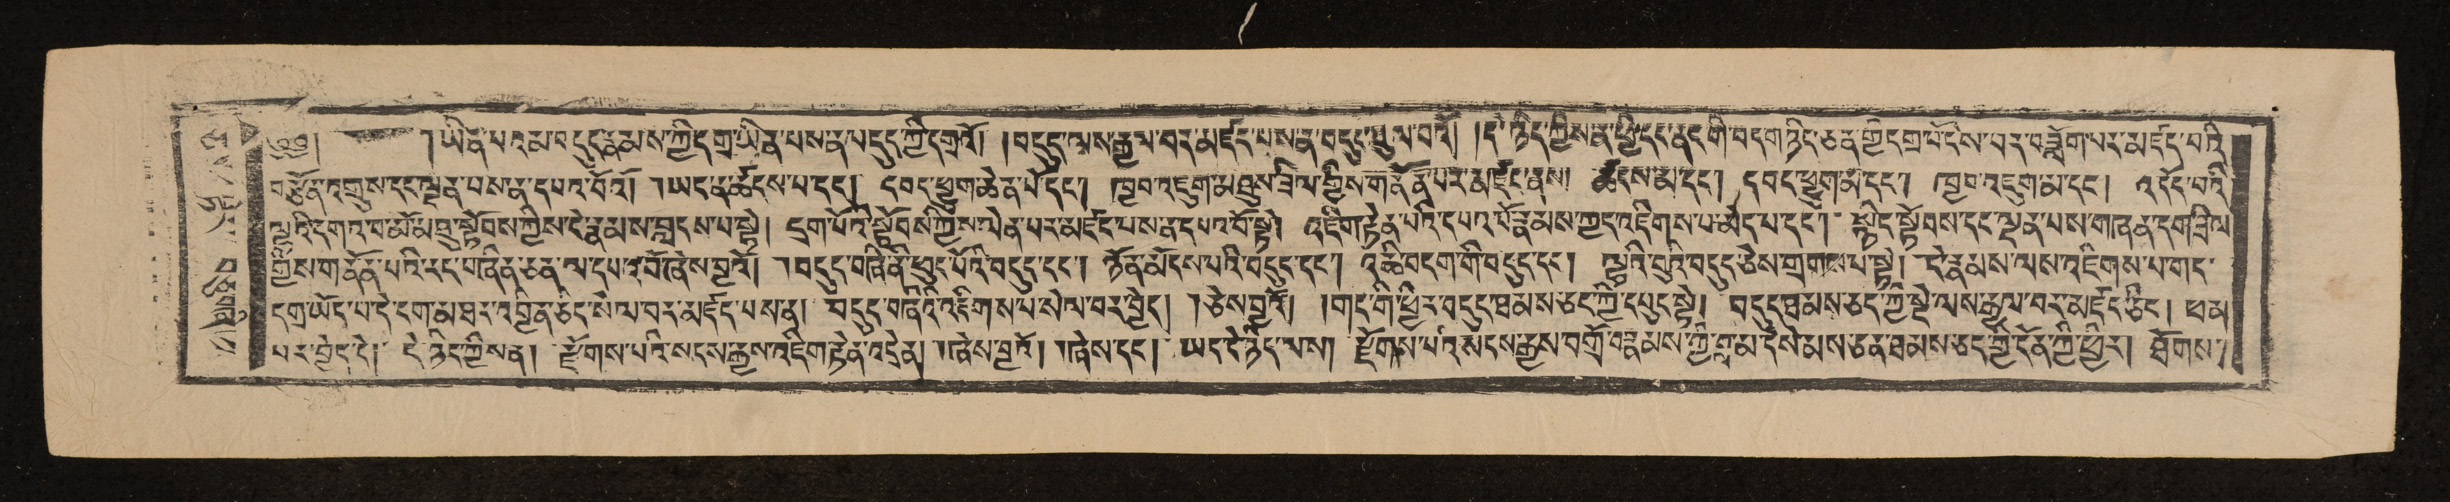༄༅། །ཡིན་པའམ་བདུད་རྣམས་ཀྱི་དགྲ་ཡིན་པས་ན་བདུད་ཀྱི་དགྲའོ། །བདུད་ལས་རྒྱལ་བར་མཛད་བས་ན་བདུད་ཐུལ་བའོ། །དེ་ཉིད་ཀྱིས་ན་ཕྱི་དང་ནང་གི་བདག་ཉིད་ཅན་གྱི་དགྲ་བོ་ངེས་པར་བཟློག་པར་མཛད་པའི་
བརྩོན་འགྲུས་དང་ལྡན་པས་ན་དཔའ་བོའོ། །ཡང་ན་ཚངས་པ་དང་། དབང་ཕྱུག་ཆེན་པོ་དང་། ཁྱབ་འཇུག་མཐུས་ཟིལ་གྱིས་གནོན་པར་མཛད་ནས། ཚངས་མ་དང་། དབང་ཕྱུག་མ་དང་། ཁྱབ་འཇུག་མ་དང་། འདོད་པའི་
ལྷའི་དགའ་བ་མོ་མཐུ་སྟོབས་ཀྱིས་དེ་རྣམས་བླངས་པ་སྟེ། དྲག་པོའི་སྟོབས་ཀྱིས་ལེན་པར་མཛད་པས་ན་དཔའ་བོ་སྟེ། འཇིག་རྟེན་པའི་དཔའ་བོ་རྣམས་ཀྱང་འཇིགས་པ་མེད་པ་དང་། སྙིང་སྟོབས་དང་ལྡན་པས་གཞན་དག་ཟིལ་
གྱིས་གནོན་པའི་རང་བཞིན་ཅན་ལ་དཔའ་བོ་ཞེས་བྱའོ། །བདུད་བཞི་ནི་ཕུང་པོའི་བདུད་དང་། ཉོན་མོངས་པའི་བདུད་དང་། འཆི་བདག་གི་བདུད་དང་། ལྷའི་བུའི་བདུད་ཅེས་གྲགས་པ་སྟེ། དེ་རྣམས་ལས་འཇིགས་པ་གང་
དག་ཡོད་པ་དེ་དག་མཐར་འབྱིན་ཅིང་སེལ་བར་མཛད་པས་ན། བདུད་བཞིའི་འཇིགས་པ་སེལ་བར་བྱེད། །ཅེས་བྱའོ། །གང་གི་ཕྱིར་བདུད་ཐམས་ཅད་ཀྱི་དཔུང་སྟེ། བདུད་ཐམས་ཅད་ཀྱི་སྡེ་ལས་རྒྱལ་བར་མཛད་ཅིང་། ཕམ་
པར་བྱེད་དེ། དེ་ཉིད་ཀྱིས་ན། རྫོགས་པའི་སངས་རྒྱས་འཇིག་རྟེན་འདྲེན། །ཞེས་བྱའོ། །ཞེས་དང་། ཡང་དེ་ཉིད་ལས། རྫོགས་པའི་སངས་རྒྱས་འགྲོ་བ་རྣམས་ཀྱི་བླ་མ་དེ་སེམས་ཅན་ཐམས་ཅད་ཀྱི་དོན་གྱི་ཕྱིར། ཐོགས་